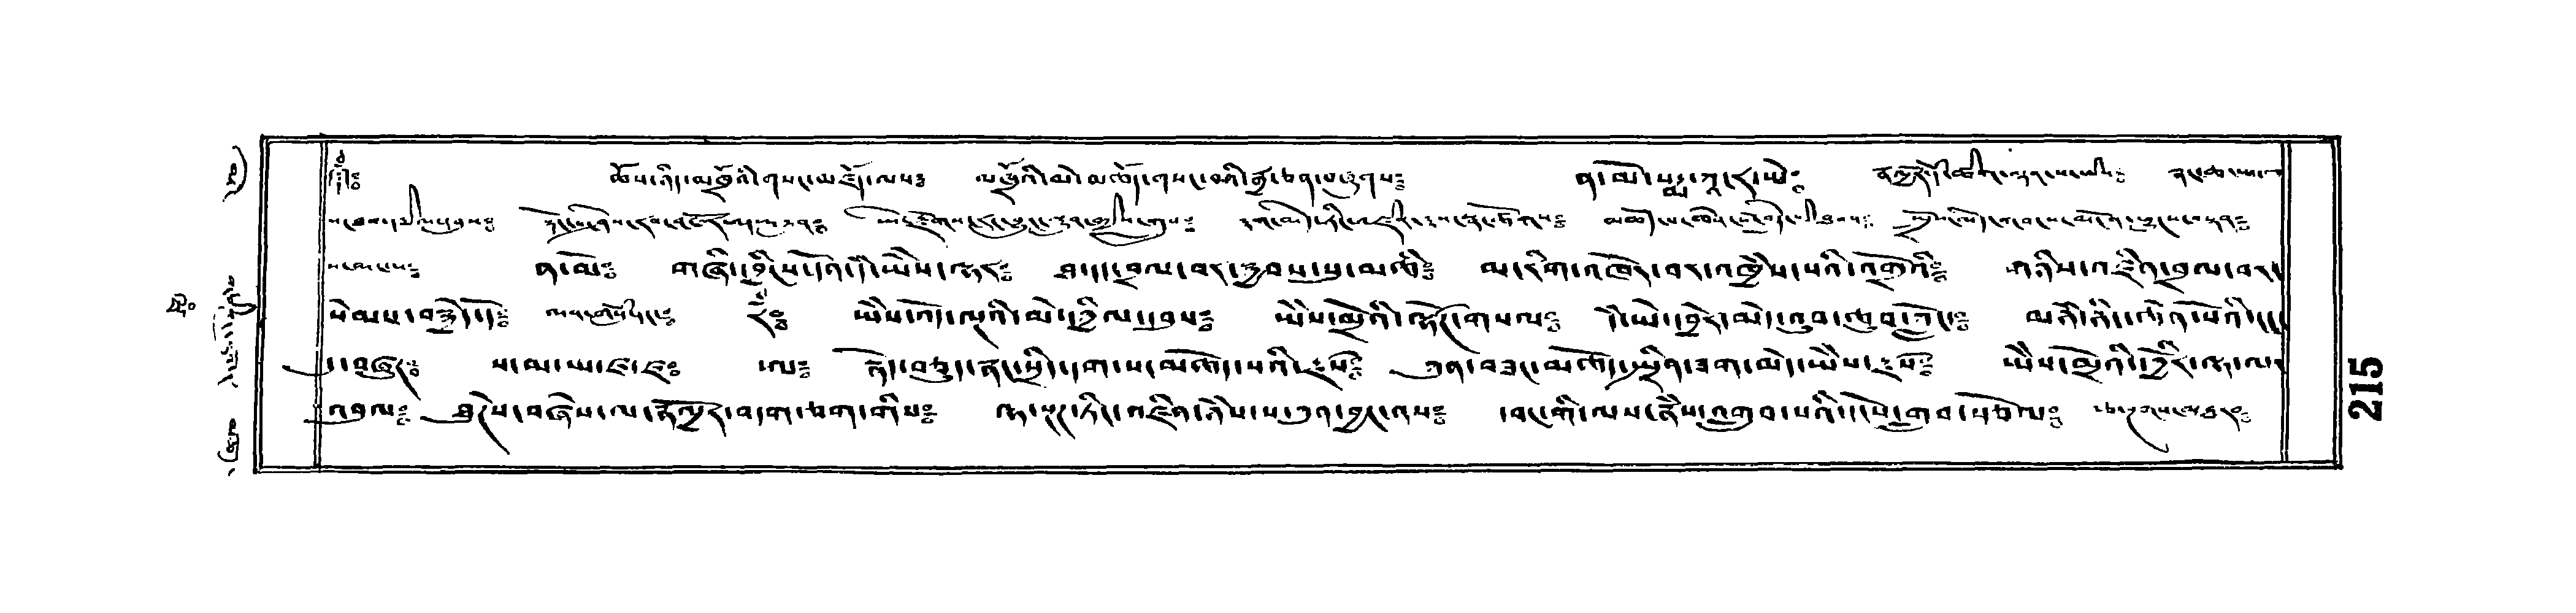ཆོས་ཉིད་མཁའ་འགྲོའི་གསང་མཛོད་ལས༔ མཁའ་འགྲོའི་མེ་མཆོད་གསང་བའི་རྒྱ་ཅན་བཞུགས༔ ན་མོ་པདྨ་ཀཱ་ར་ཡེ༔ རྣལ་འབྱོར་དམ་ཚིག་ལྡན་པ་ཡིས༔ སྣང་ཆ་ཡངས་
པ་ཐབ་དཀྱིལ་དབུས༔ སྟོང་པ་ཤེས་རབ་འཁོར་འདས་ཀུན༔ ཡེ་རྫོགས་རང་བྱུང་ལྷུན་གྱིས་གྲུབ༔ ཟག་མེད་ཏིང་འཛིན་ཟས་སྣ་ཚོགས༔ མཆོད་པ་ཆེན་པོ་བྱེད་པའི་ཐབས༔ སྤྲོས་མེད་གབ་པ་མངོན་ཕྱུང་བསྟན༔ 
ས་མ་ཡ༔ ན་མོ༔ གཞི་དབྱིངས་དོན་དམ་ཡེ་ཤེས་ལྷར༔ ཐ་དད་བྲལ་བར་སྐྱབས་སུ་མཆི༔ མ་རིག་འཁོར་བར་འཁྱམས་པའི་འགྲོའི༔ གཉིས་འཛིན་བྲལ་བར་
སེམས་བསྐྱེད་དོ༔ ལན་གསུམ་དང༔ རྃ༔ ཡེ་ཤེས་འོད་ལྔའི་མེ་དཀྱིལ་དབུས༔ ཡེ་ཤེས་མཁའ་འགྲོའི་ལྷ་ཚོགས་གསལ༔ དམ་ཡེ་དབྱེར་མེད་འུབ་ཆུབ་ཀློང༔ མཉམ་ཉིད་ཆེན་པོའི་ངང་
དུ་བཞུགས༔ ས་མ་ཡ་ཛ་ཛཿ ཨ༔ སྣོད་བཅུད་སྣང་སྲིད་དག་པ་མཆོད་པའི་རྫས༔ ཡེ་ཤེས་མཁའ་འགྲོའི་དཀྱིལ་འཁོར་ལྷ་ལ་
འབུལ༔ ཐུགས་རྗེས་བཞེས་ལ་རྣལ་འབྱོར་བདག་ཅག་གིས༔ ལྷ་སྔགས་ཏིང་འཛིན་ཉམས་པ་ཀུན་བྱང་ནས༔ དབང་གིས་ལས་རྣམས་འགྲུབ་པའི་དངོས་གྲུབ་སྩོལ༔ རྩ་སྔགས་མཐར༔